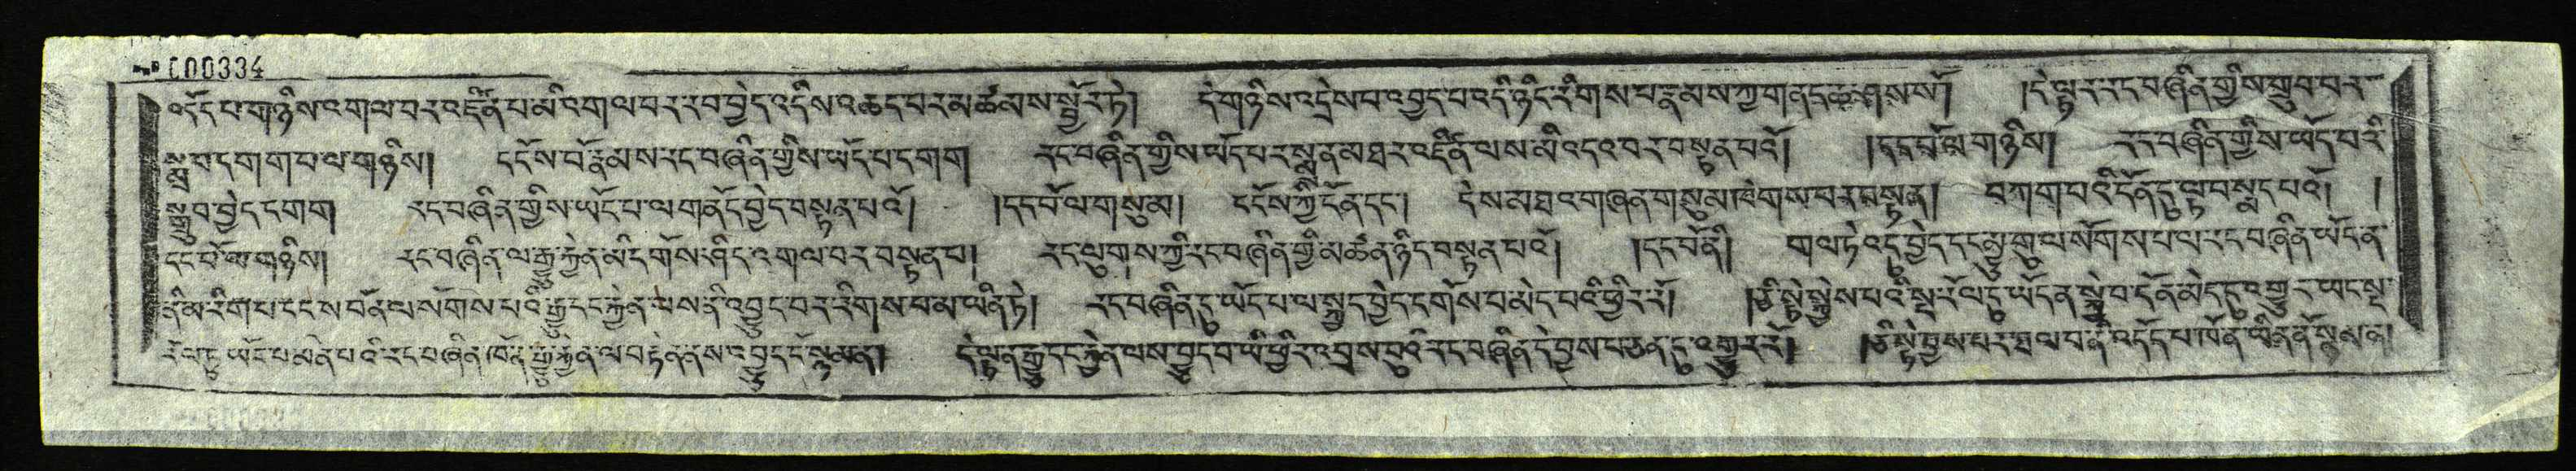འདོད་པ་གཉིས་འགལ་བར་འཛིན་པ་མི་འགལ་བར་རབ་བྱེད་འདིས་འཆད་པར་མཚམས་སྦྱོར་ཏེ། དེ་གཉིས་འདྲེས་པ་འབྱད་པ་འདི་ཉིད་རིགས་པ་རྣམས་ཀྱི་གནད་ཆ་ཤས་སོ། །དེ་ལྟར་རང་བཞིན་གྱིས་གྲུབ་པར་
སྨྲ་བ་དགག་པ་ལ་གཉིས། དངོས་པོ་རྣམས་རང་བཞིན་གྱིས་ཡོད་པ་དགག་རང་བཞིན་གྱིས་ཡོད་པར་སྨྲ་ན་མཐར་འཛིན་ལས་མི་འདའ་བར་བསྟན་པའོ། །དང་པོ་ལ་གཉིས། རང་བཞིན་གྱིས་ཡོད་པའི་
སྒྲུབ་བྱེད་དགག་རང་བཞིན་གྱིས་ཡོད་པ་ལ་གནོད་བྱེད་བསྟན་པའོ། །དང་པོ་ལ་གསུམ། དངོས་ཀྱི་དོན་དང་། དེས་མཐའ་གཞན་གསུམ་ཁེགས་པར་བསྟན། བཀག་པའི་དོན་དུ་ལྟ་བ་སྨད་པའོ། །
དང་པོ་ལ་གཉིས། རང་བཞིན་ལ་རྒྱུ་རྐྱེན་མི་དགོས་ཤིང་འགལ་བར་བསྟན་པ། རང་ལུགས་ཀྱི་རང་བཞིན་གྱི་མཚན་ཉིད་བསྟན་པའོ། །དང་པོ་ནི། གལ་ཏེ་འདུ་བྱེད་དང་མྱུ་གུ་ལ་སོགས་པ་ལ་རང་བཞིན་ཡོད་ན་
ནི་མ་རིག་པ་དང་ས་བོན་ལ་སོགས་པའི་རྒྱུ་དང་རྐྱེན་ལས་ནི་འབྱུང་བར་རིགས་པ་མ་ཡིན་ཏེ། རང་བཞིན་དུ་ཡོད་པ་ལ་སྐྱད་བྱེད་དགོས་པ་མེད་པའི་ཕྱིར་རོ། །ཅི་སྟེ་སྐྱེས་པའི་སྔ་རོལ་དུ་ཡོད་ན་སྐྱེ་བ་དོན་མེད་དུ་འགྱུར་ཡང་སྔ་
རོལ་ཏུ་ཡོད་པ་མིན་པའི་རང་བཞིན་ཁོ་ན་རྒྱུ་རྐྱེན་ལ་བརྟེན་ནས་འབྱུང་ངོ་སྙམ་ན། དེ་ལྟ་ན་རྒྱུ་དང་རྐྱེན་ལས་བྱུང་བ་ཡི་ཕྱིར་འབྲས་བུའི་རང་བཞིན་དེ་བྱས་པ་ཅན་དུ་འགྱུར་རོ། །ཅི་སྟེ་བྱས་པར་ཐལ་བ་ནི་འདོད་པ་ཁོ་ན་ཡིན་ནོ་སྙམ་ན།